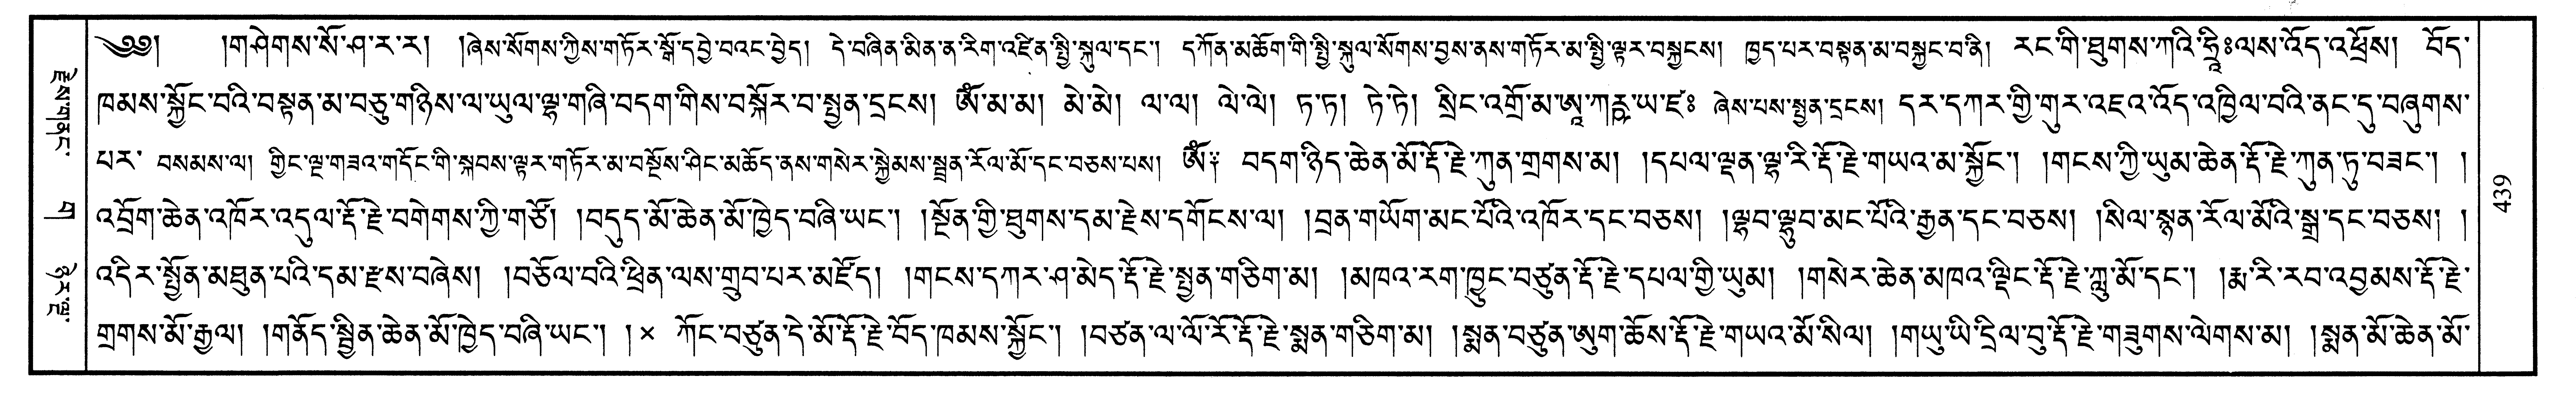༄༅། །གཤེགས་སོ་ཤ་ར་ར། །ཞེས་སོགས་ཀྱིས་གཏོར་སྒོ་དབྱེ་བའང་བྱེད། དེ་བཞིན་མིན་ན་རིག་འཛིན་སྤྱི་སྐུལ་དང་། དཀོན་མཆོག་གི་སྤྱི་སྐུལ་སོགས་བྱས་ནས་གཏོར་མ་སྤྱི་ལྟར་བསྐྱངས། ཁྱད་པར་བསྟན་མ་བསྐྱང་བ་ནི། རང་གི་ཐུགས་ཀའི་ཧྲཱིཿ ལས་འོད་འཕྲོས། བོད་
ཁམས་སྐྱོང་བའི་བསྟན་མ་བཅུ་གཉིས་ལ་ཡུལ་ལྷ་གཞི་བདག་གིས་བསྐོར་བ་སྤྱན་དྲངས། ཨོཾ་མ་མ། མེ་མེ། ལ་ལ། ལེ་ལེ། ཏ་ཏ། ཏེ་ཏེ། སྲིང་འགྲོ་མ་ཨཱ་ཀརྵ་ཡ་ཛཿ ཞེས་པས་སྤྱན་དྲངས། དར་དཀར་གྱི་གུར་འཇའ་འོད་འཁྱིལ་བའི་ནང་དུ་བཞུགས་
པར་བསམས་ལ། གྱིང་ལྔ་གཟའ་གདོང་གི་སྐབས་ལྟར་གཏོར་མ་བསྔོས་ཤིང་མཆོད་ནས་གསེར་སྐྱེམས་སྦྲན་རོལ་མོ་དང་བཅས་པས། ཨོཾ༑ བདག་ཉིད་ཆེན་མོ་རྡོ་རྗེ་ཀུན་གྲགས་མ། །དཔལ་ལྡན་ལྷ་རི་རྡོ་རྗེ་གཡའ་མ་སྐྱོང་། །གངས་ཀྱི་ཡུམ་ཆེན་རྡོ་རྗེ་ཀུན་ཏུ་བཟང་། །
འབྲོག་ཆེན་འཁོར་འདུལ་རྡོ་རྗེ་བགེགས་ཀྱི་གཙོ། །བདུད་མོ་ཆེན་མོ་ཁྱེད་བཞི་ཡང་། །སྔོན་གྱི་ཐུགས་དམ་རྗེས་དགོངས་ལ། །བྲན་གཡོག་མང་པོའི་འཁོར་དང་བཅས། །ལྷབ་ལྷུབ་མང་པོའི་རྒྱན་དང་བཅས། །སིལ་སྙན་རོལ་མོའི་སྒྲ་དང་བཅས། །
འདིར་སྤྱོན་མཐུན་པའི་དམ་རྫས་བཞེས། །བཅོལ་བའི་ཕྲིན་ལས་གྲུབ་པར་མཛོད། །གངས་དཀར་ཤ་མེད་རྡོ་རྗེ་སྤྱན་གཅིག་མ། །མཁའ་རག་ཁྱུང་བཙུན་རྡོ་རྗེ་དཔལ་གྱི་ཡུམ། །གསེར་ཆེན་མཁའ་ལྡིང་རྡོ་རྗེ་ཀླུ་མོ་དང་། །རྨ་རི་རབ་འབྱམས་རྡོ་རྗེ་
གྲགས་མོ་རྒྱལ། །གནོད་སྦྱིན་ཆེན་མོ་ཁྱེད་བཞི་ཡང་། །྾་ཀོང་བཙུན་དེ་མོ་རྡོ་རྗེ་བོད་ཁམས་སྐྱོང་། །བཙན་ལ་ལོ་རོ་རྡོ་རྗེ་སྨན་གཅིག་མ། །སྨན་བཙུན་ཨུག་ཆོས་རྡོ་རྗེ་གཡས་མོ་སིལ། །གཡུ་ཡི་དྲིལ་བུ་རྡོ་རྗེ་གཟུགས་ལེགས་མ། །སྨན་མོ་ཆེན་མོ་